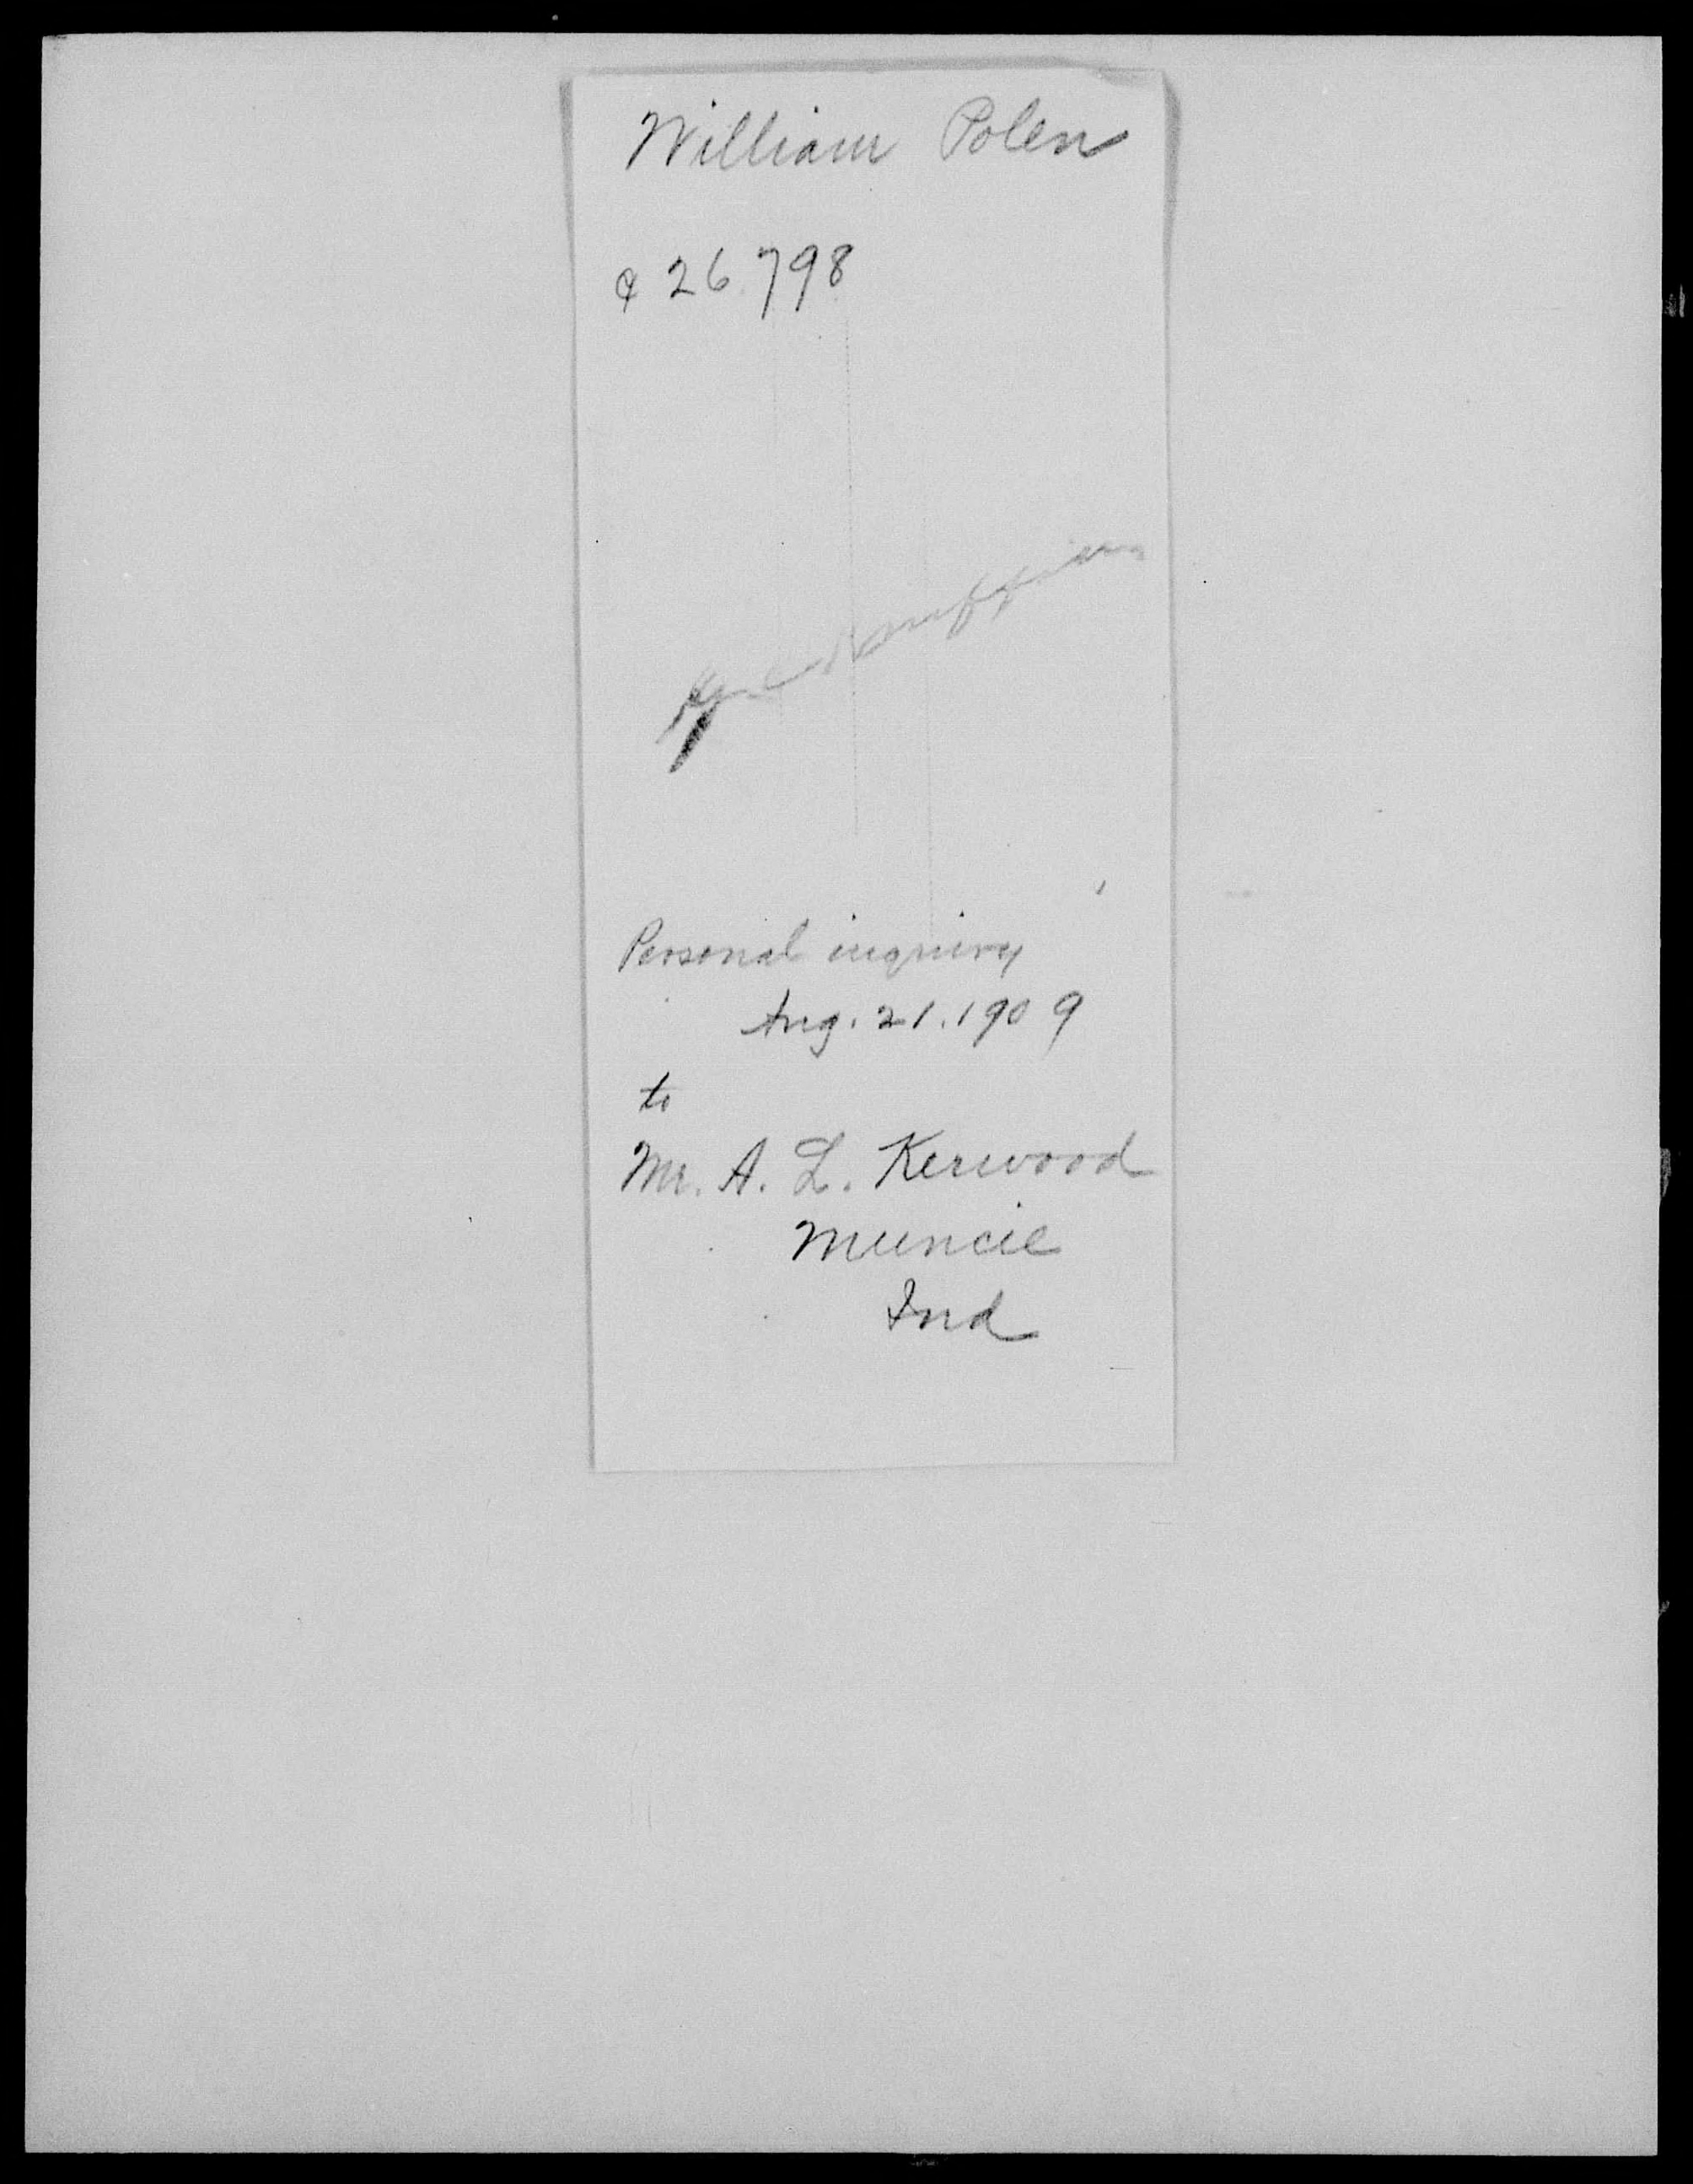William Polen
C26798
Personal inquiry
Aug. 21. 1909
to
Mr. A.L. Kerwood
Muncie
Ind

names: A L Kerwood; William Polen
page: 21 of 21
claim: survivor's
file: S. 32453, for William Polen, Virginia